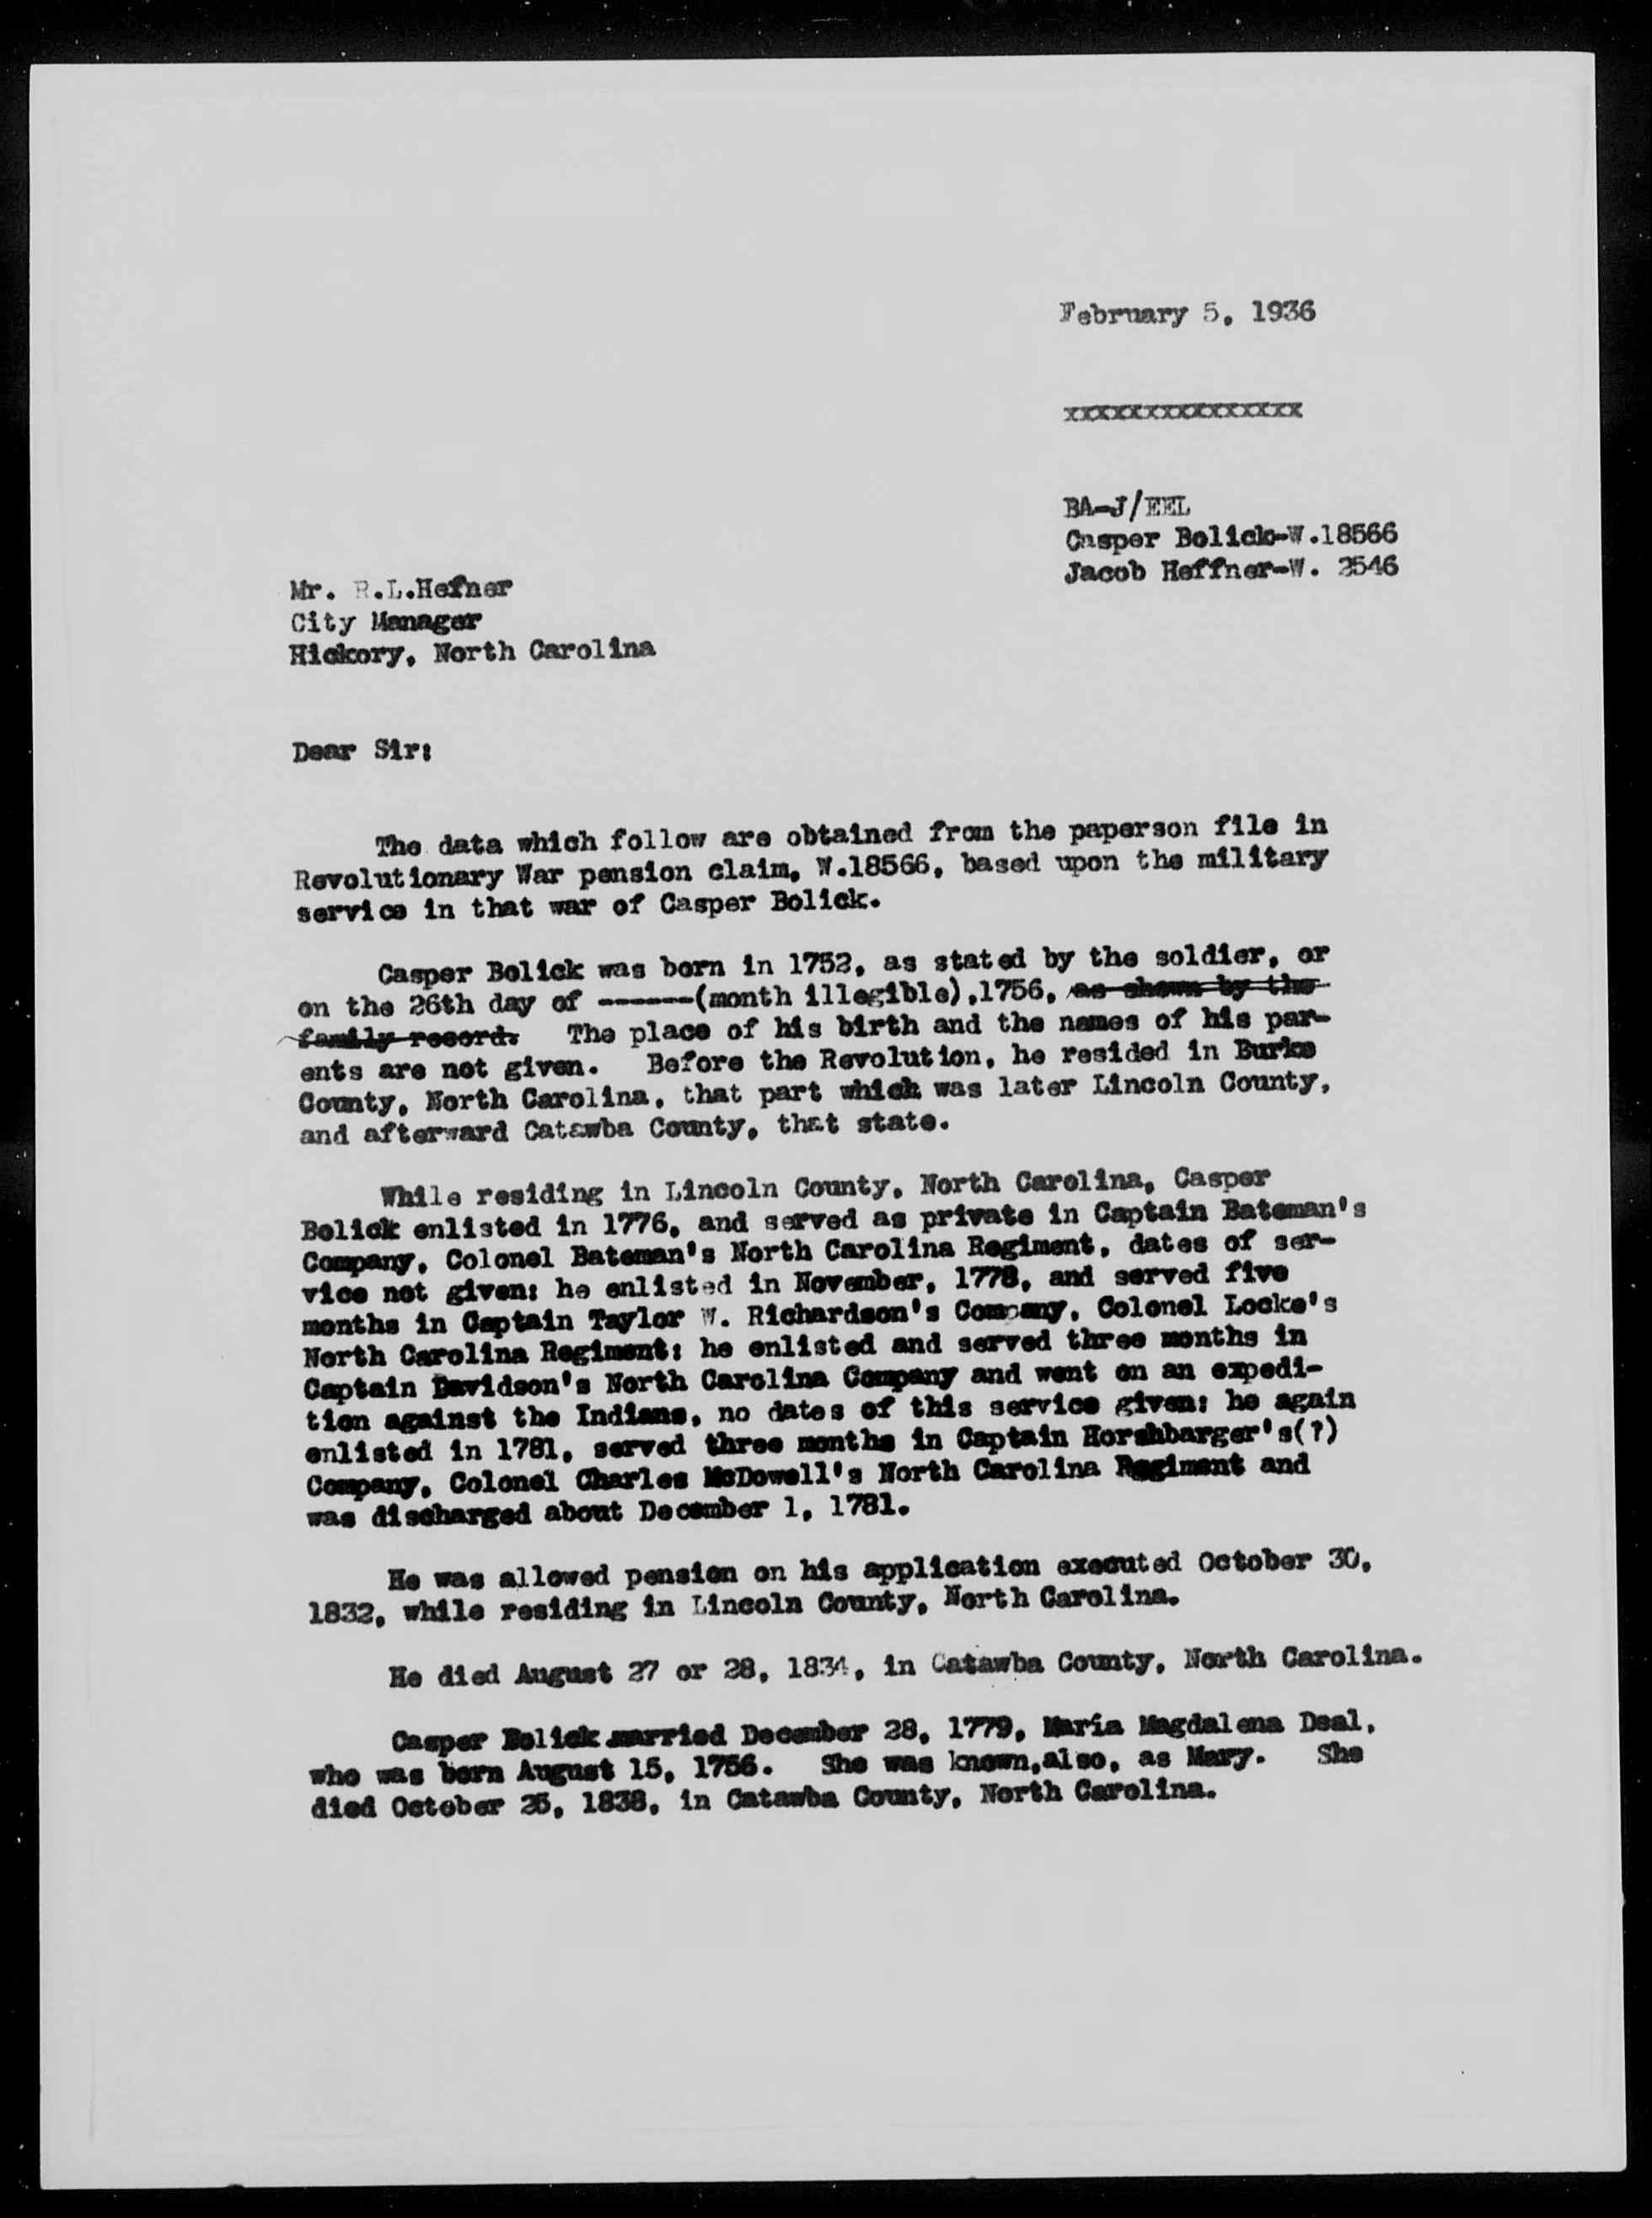February 5, 1936

xxxxxxxxxxxxxxxxx

BA-J/EEL
Casper Bolich-W. 18566
Jacob Heffner-W. 2546

Mr. R. L. Hefner
City Manager
Hickory, North Carolina

Dear Sir:

The data which follow are obtained from the paperson file in Revolutionary War pension claim, W.18566, based upon the military service in that war of Casper Bolick. Casper Bolick was born in 1752, as stated by the soldier, or on the 26th day of -- (month illegible), 1756. The place of his birth and the names of his parents are not given. Before the Revolution, he resided in Burke County, North Carolina, that part which was later Lincoln County, and afterward Catawba County, that state.
While residing in Lincoln County, North Carolina, Casper Bolick enlisted in 1776, and served as private in Captain Bateman's
Company, Colonel Bateman's North Carolina Regiment, dates of service not given: he enlisted in November, 1778, and served five
months in Captain Taylor W. Richardson's Company, Colonel Locke's North Carolina Regiment: he enlisted and served three months in Captain Davidson's North Carolina Company and went on an expedition against the Indians, no dates of this service given: he again
enlisted in 1781, served three months in Captain Horshbarger's (?) Company, Colonel Charles McDowell's North Carolina Regiment and was discharged about December 1, 1781.
He was allowed pension on his application executed October 30, 1832, while residing in Lincoln County, North Carolina. He died August 27 or 28, 1834, in Catawba County, North Carolina.
Casper Bolick married December 28, 1779, Maria Magdalena Deal, who was born August 15, 1756. She was known, also, as Mary. She
died October 25, 1838, in Catawba County, North Carolina.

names: Casper Bolick, Maria Magdalena, R L Hefner, Casper Bolick, Mary, Casper Bolick, Jacob Heffner, Casper Bolick, Casper Bolick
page: 41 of 43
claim: widow's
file: W. 18,566, Casper Bolick, N.C.